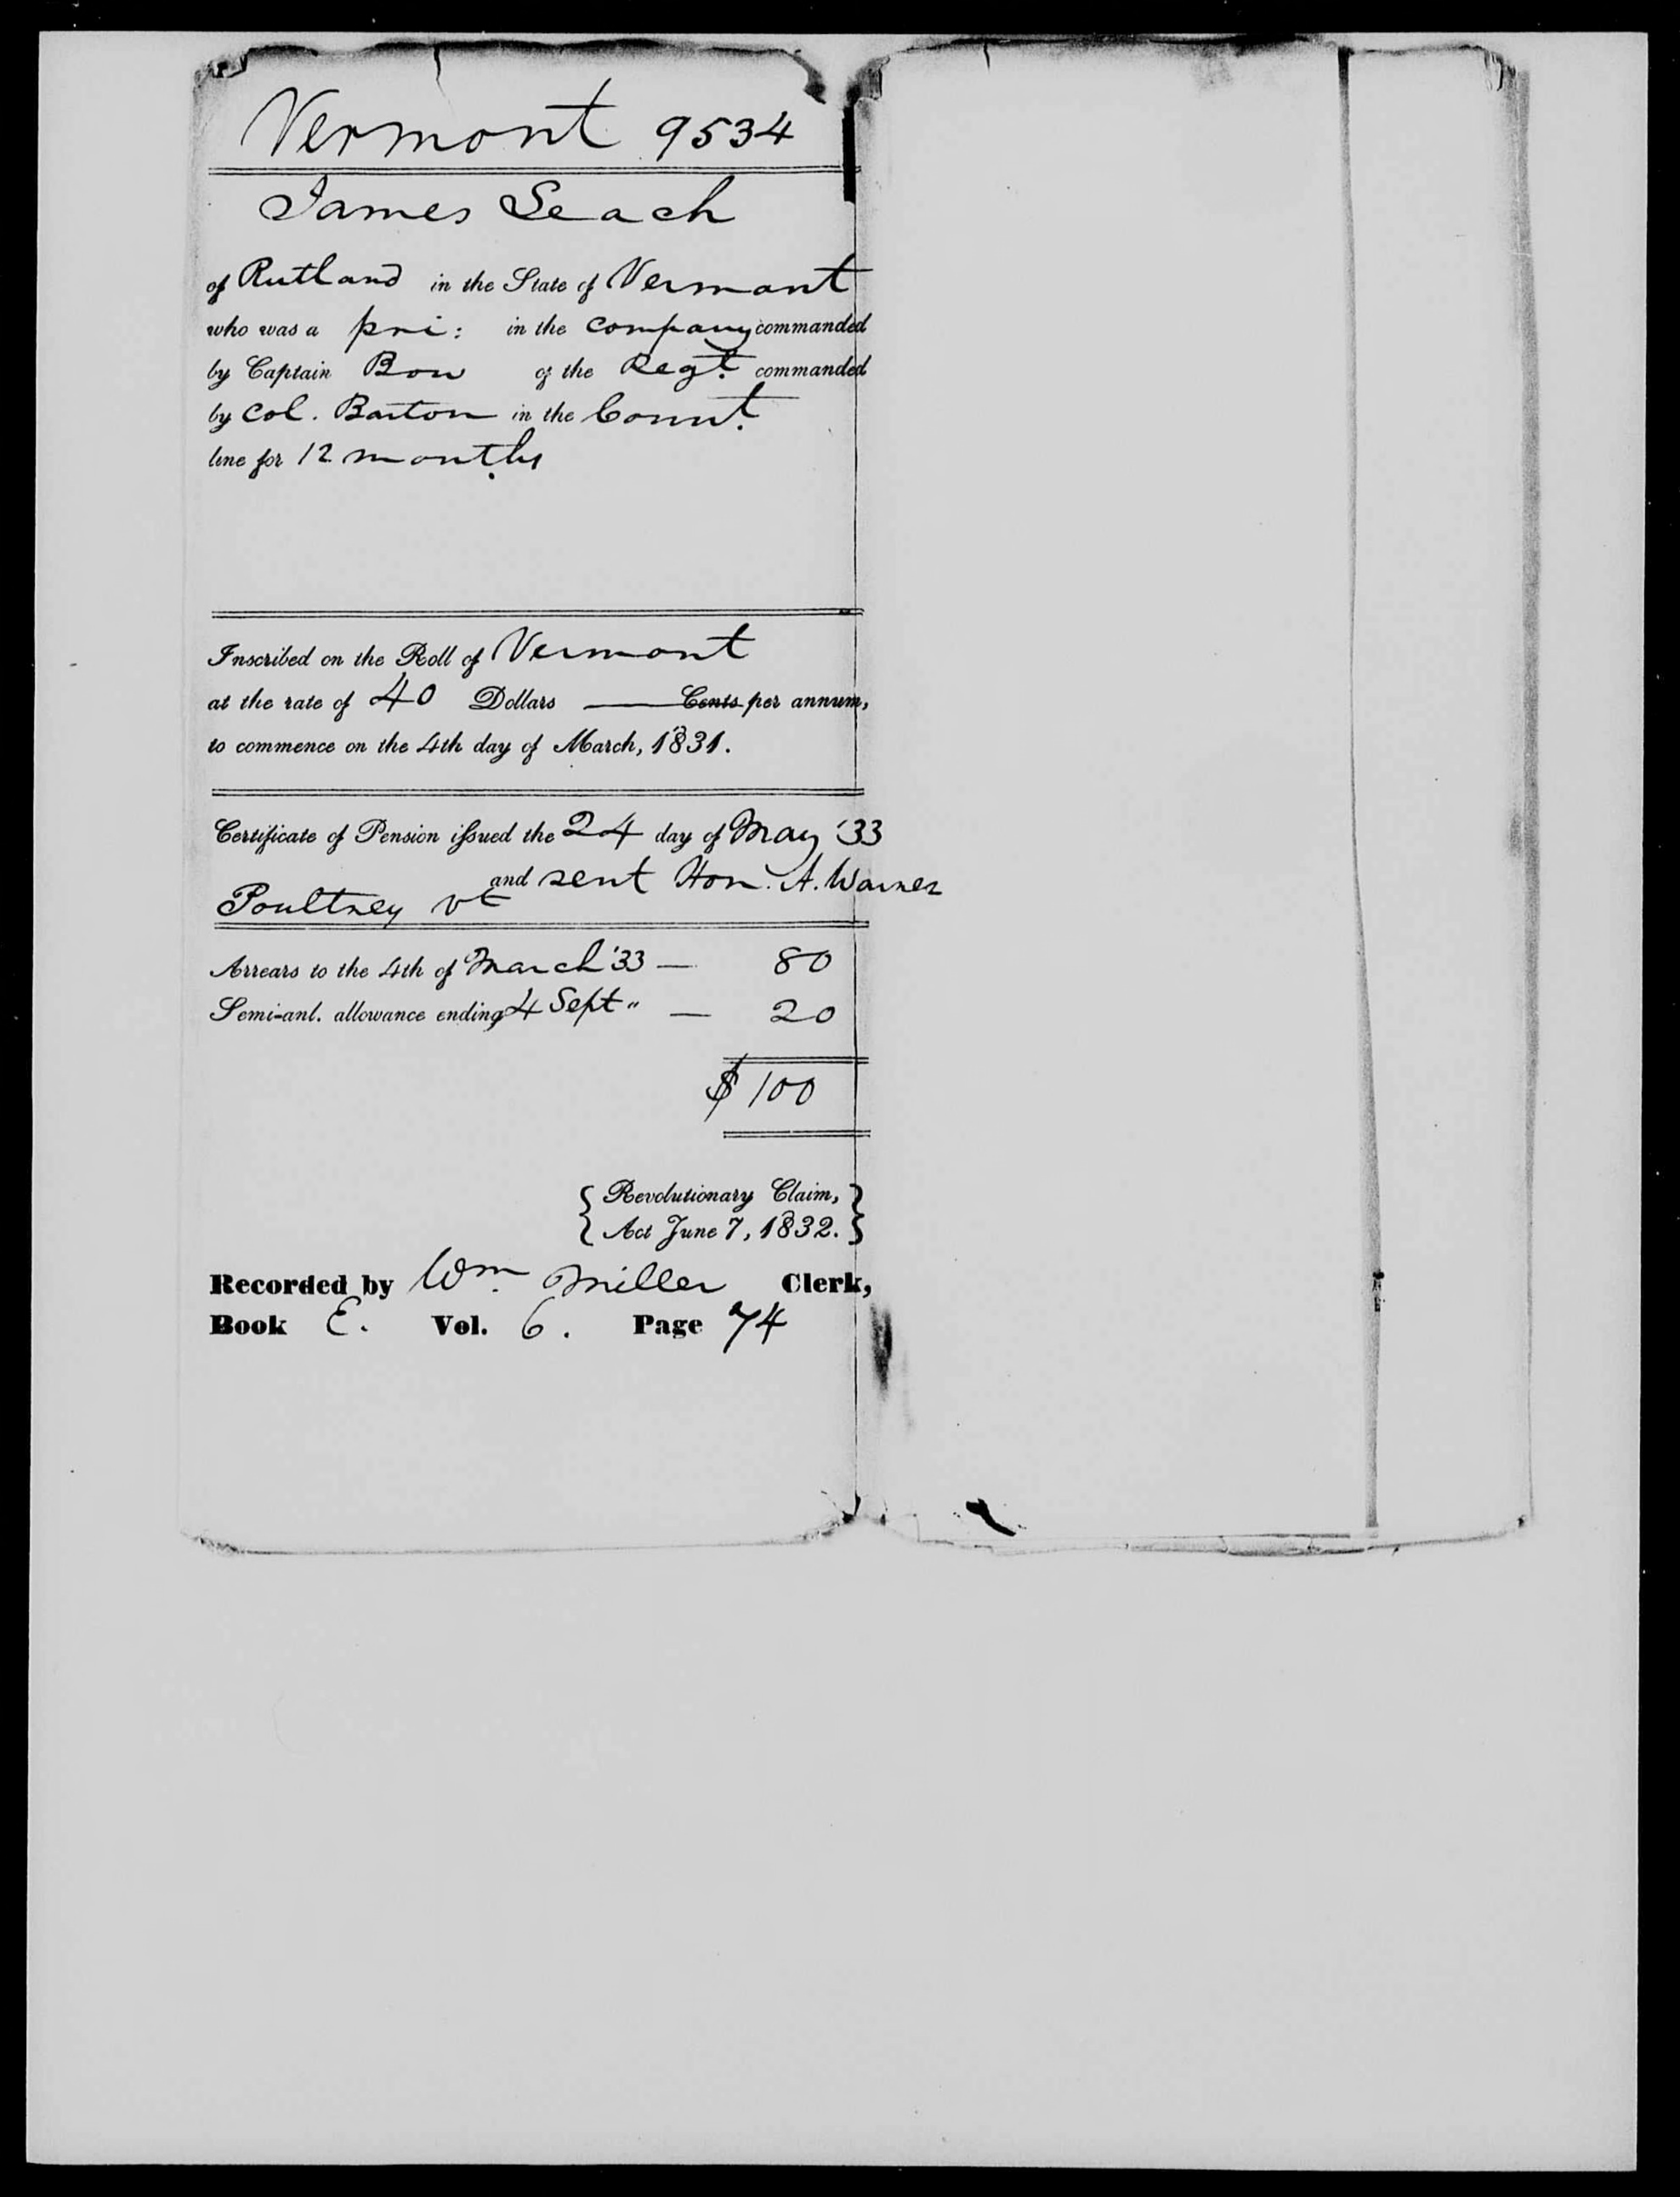Vermont 9534
James Leach
of Rutland in the State of Vermont who was a pri: in the company commanded by Captain Bow of the Regt. commanded by Col. Barton in the Connt line for 12 months.

Inscribed on the Roll of Vermont at the rate of 40 Dollars - Cents per annum, to commence on the 4th day of March, 1831.
Certificate of Pension issued the 24 day of May '33 and sent Hon. a Warner Poultney, Vt
Arrears to the 4th of March '33 - 80
Semi-anl. allowance ending 4 Sept. '33 - 20
$100
Revolutionary Claim,
Act June 7, 1832.
Recorded by Wm. Miller Clerk,
Book E. Vol. 6 Page 74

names: A Warner; [BLANK] Barton; [BLANK] Bose; James Leach; Wm Miller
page: 3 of 27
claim: widow's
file: W. 24,500, for James Leach, Connecticut